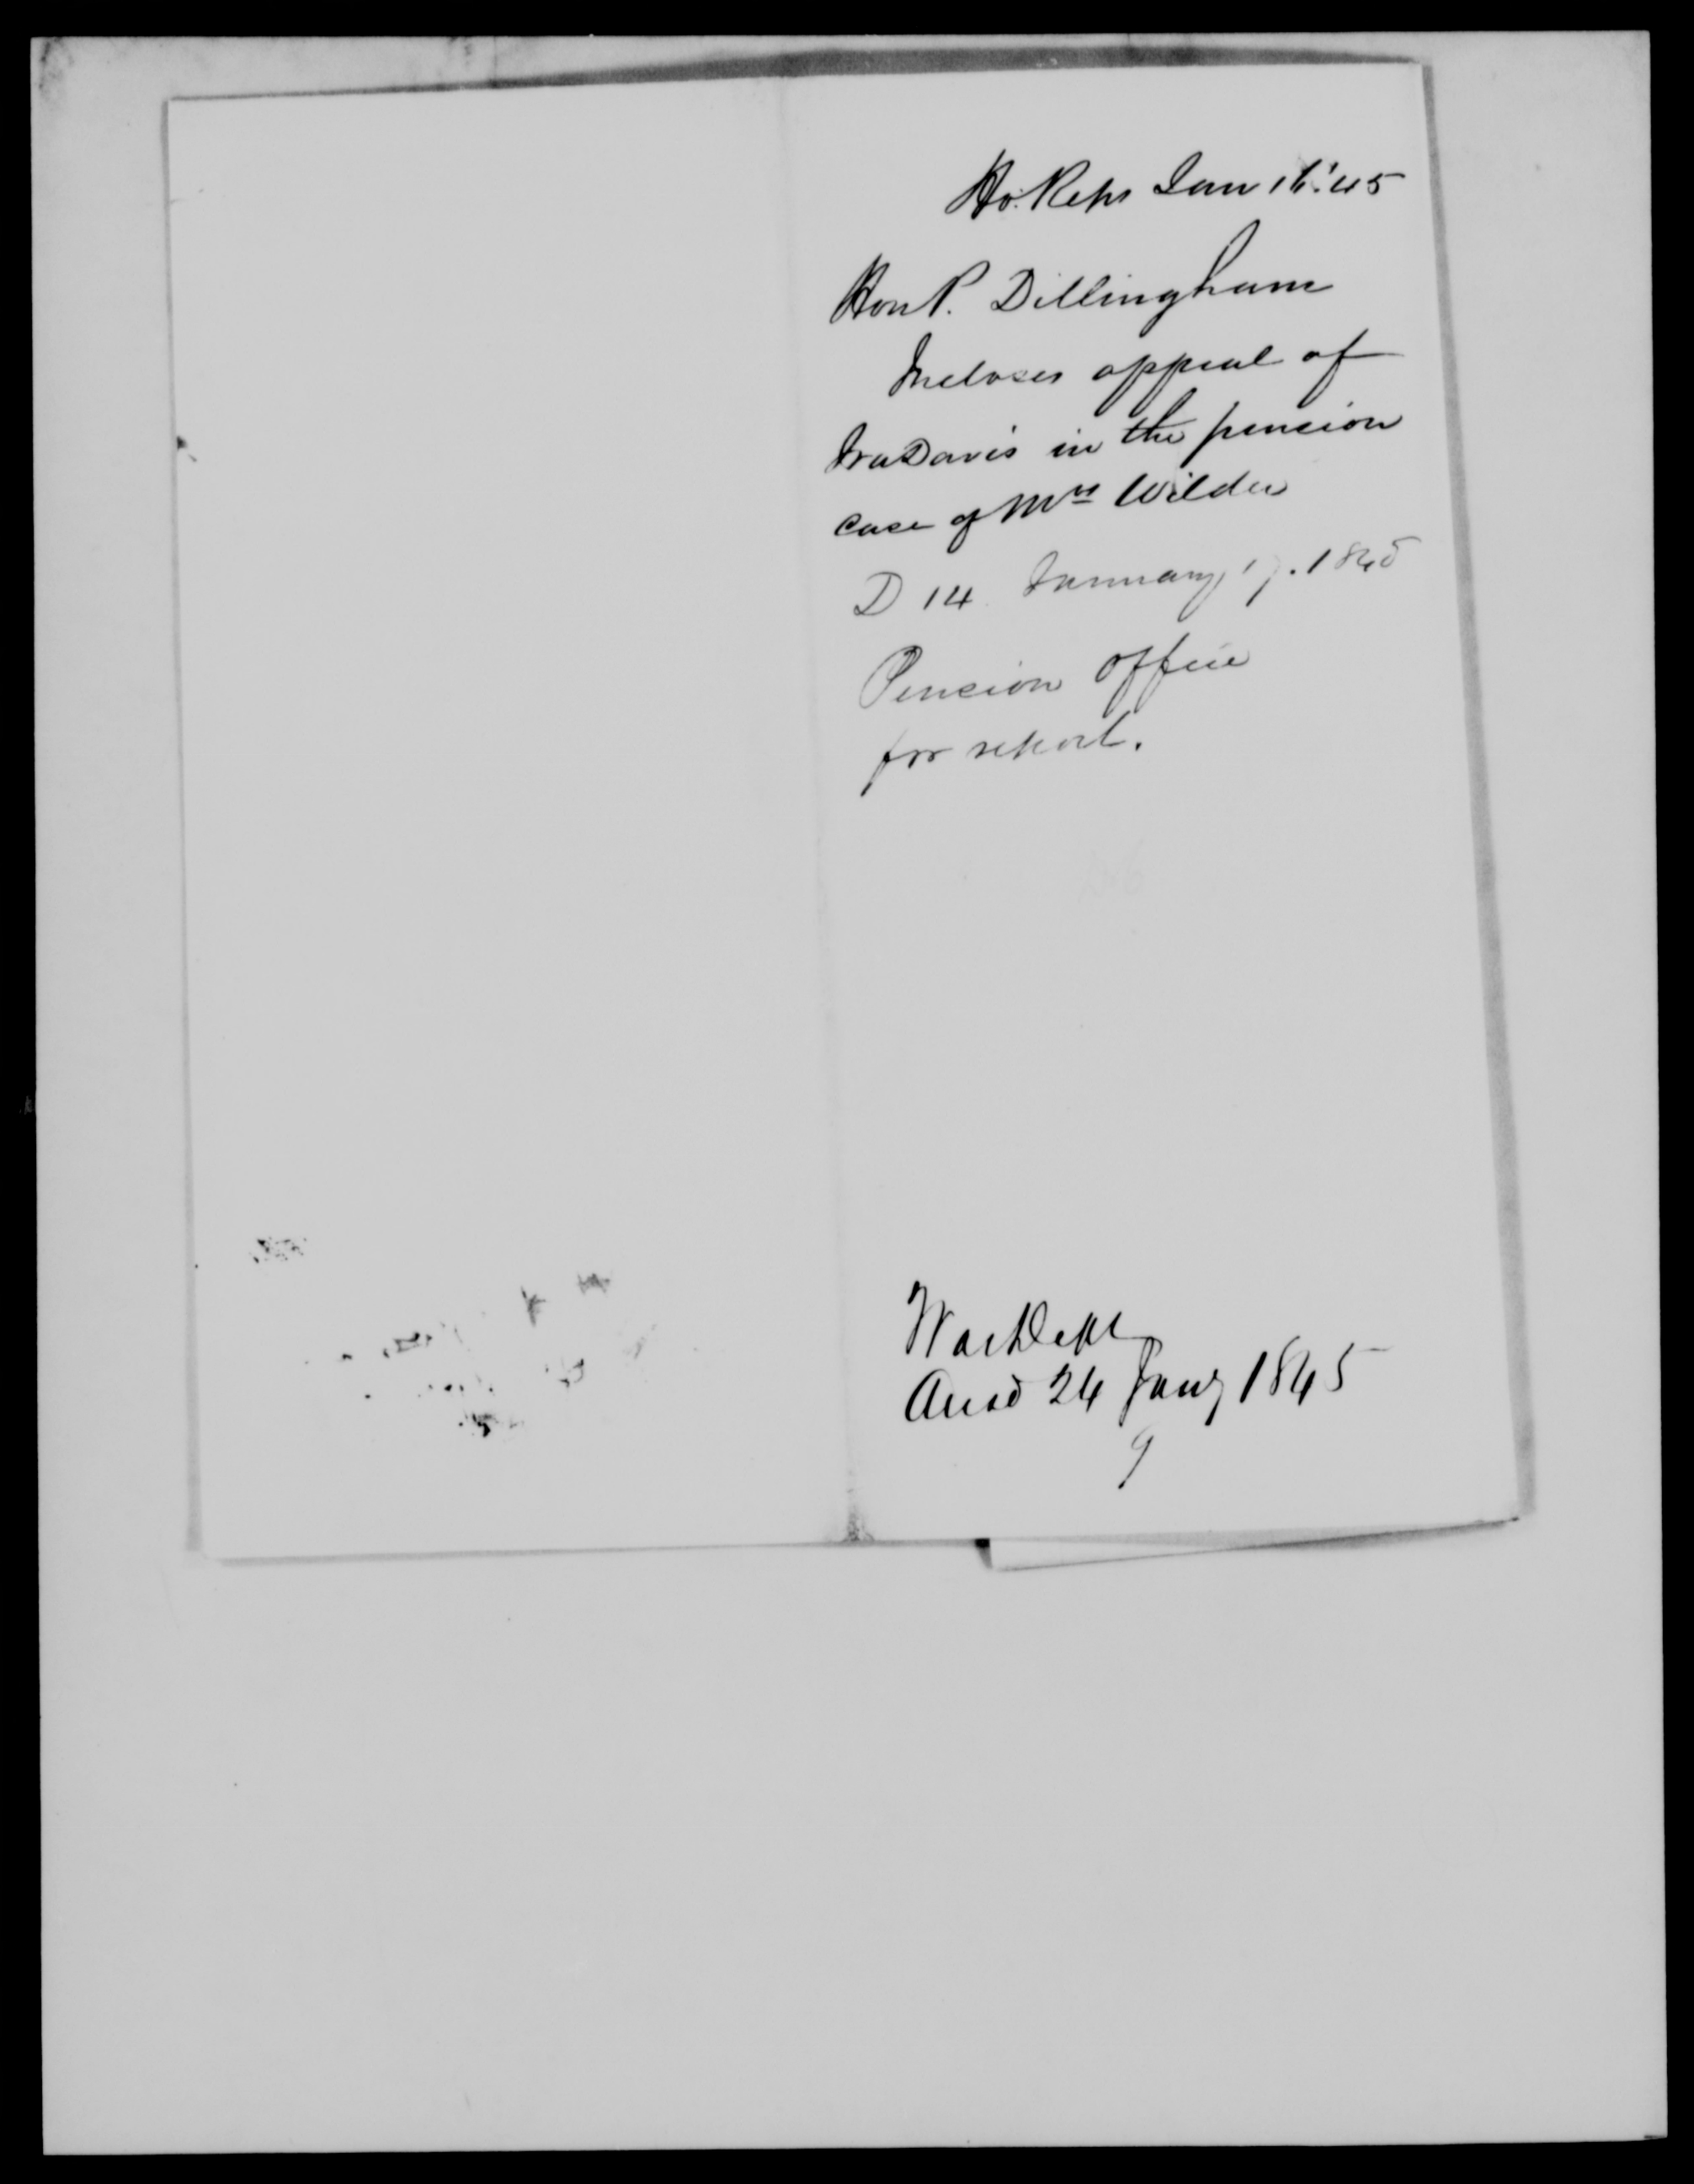Ho Reps Jan 16 '45
Hon P. Dillingham
Inclosed appeal of Ira
Davis in the pension
case of Mrs Wilder
D 14 January 17 1845
Pension Office
for report.
War Dept
amod 24 Jany 1845
9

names: P Dillingham, Wilder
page: 30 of 40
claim: widow's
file: W. 18,426, Abel Wilder, Mass. N.H. Vt.